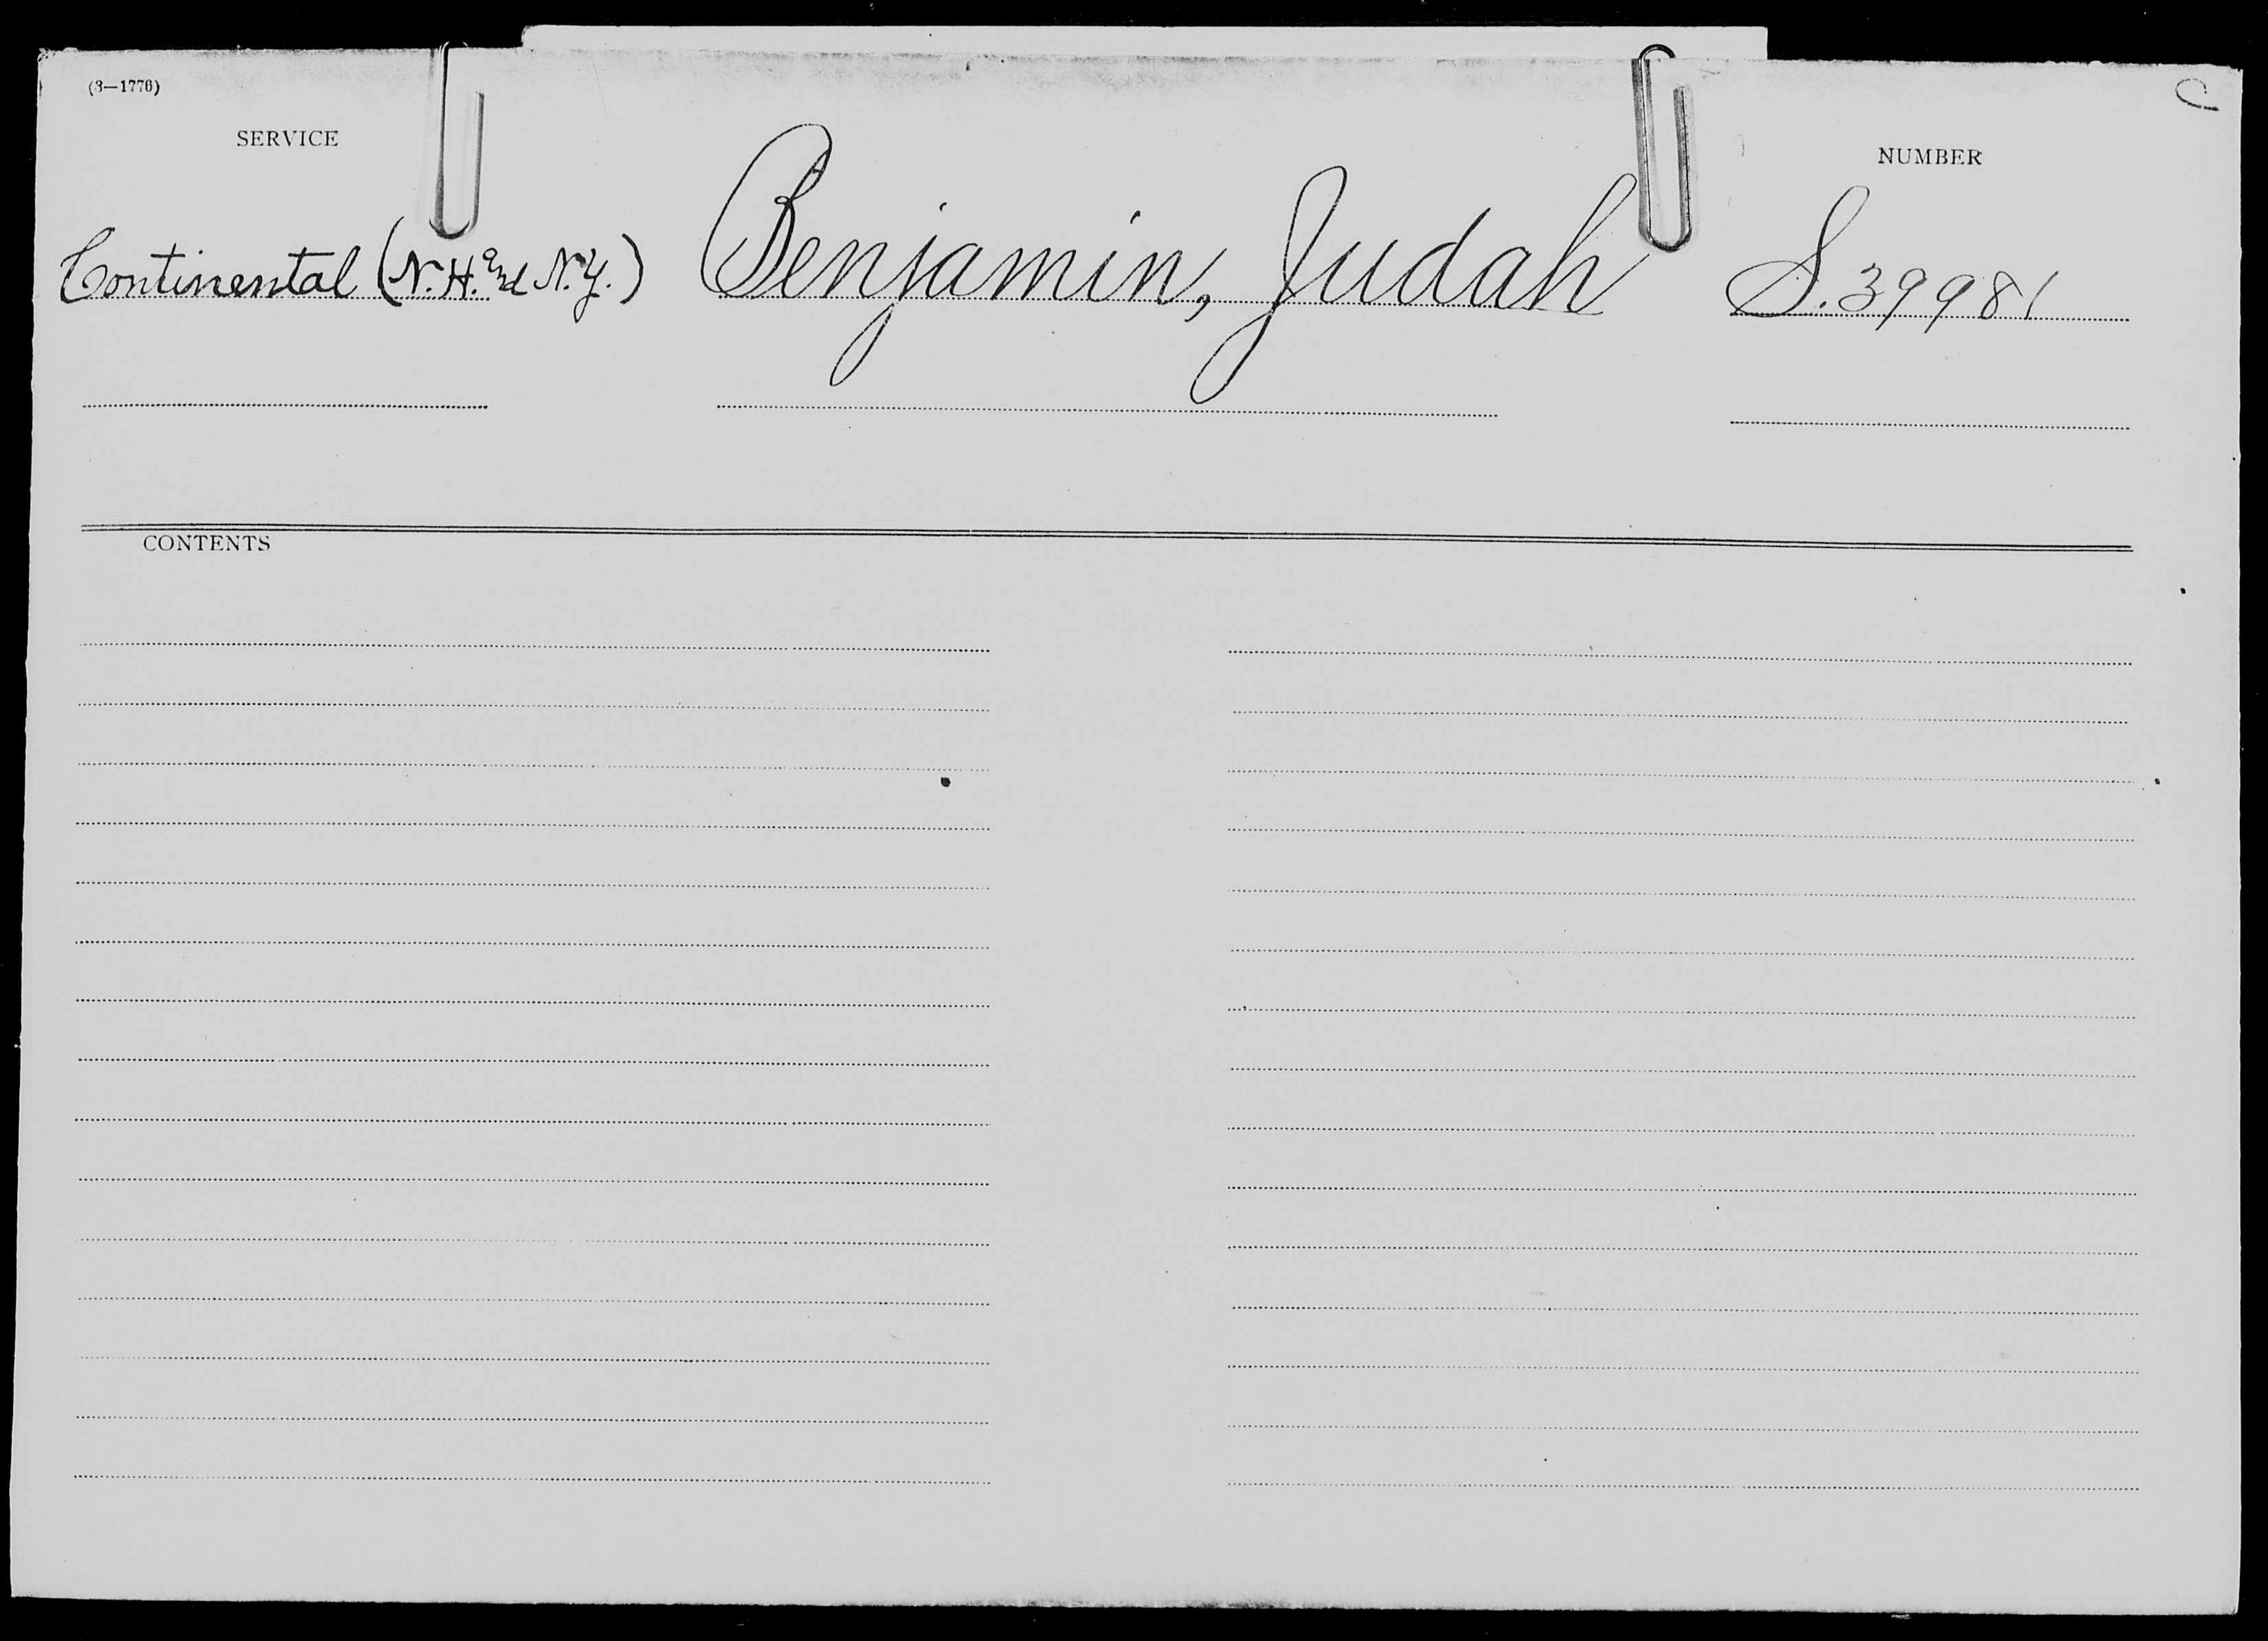SERVICE Continental ( N.H. and N.Y.)

Benjamin, Judah

NUMBER  S. 39981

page: 1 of 34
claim: survivor's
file: S. 39981, Judah Benjamin, Continental (N. H. And N. Y.)